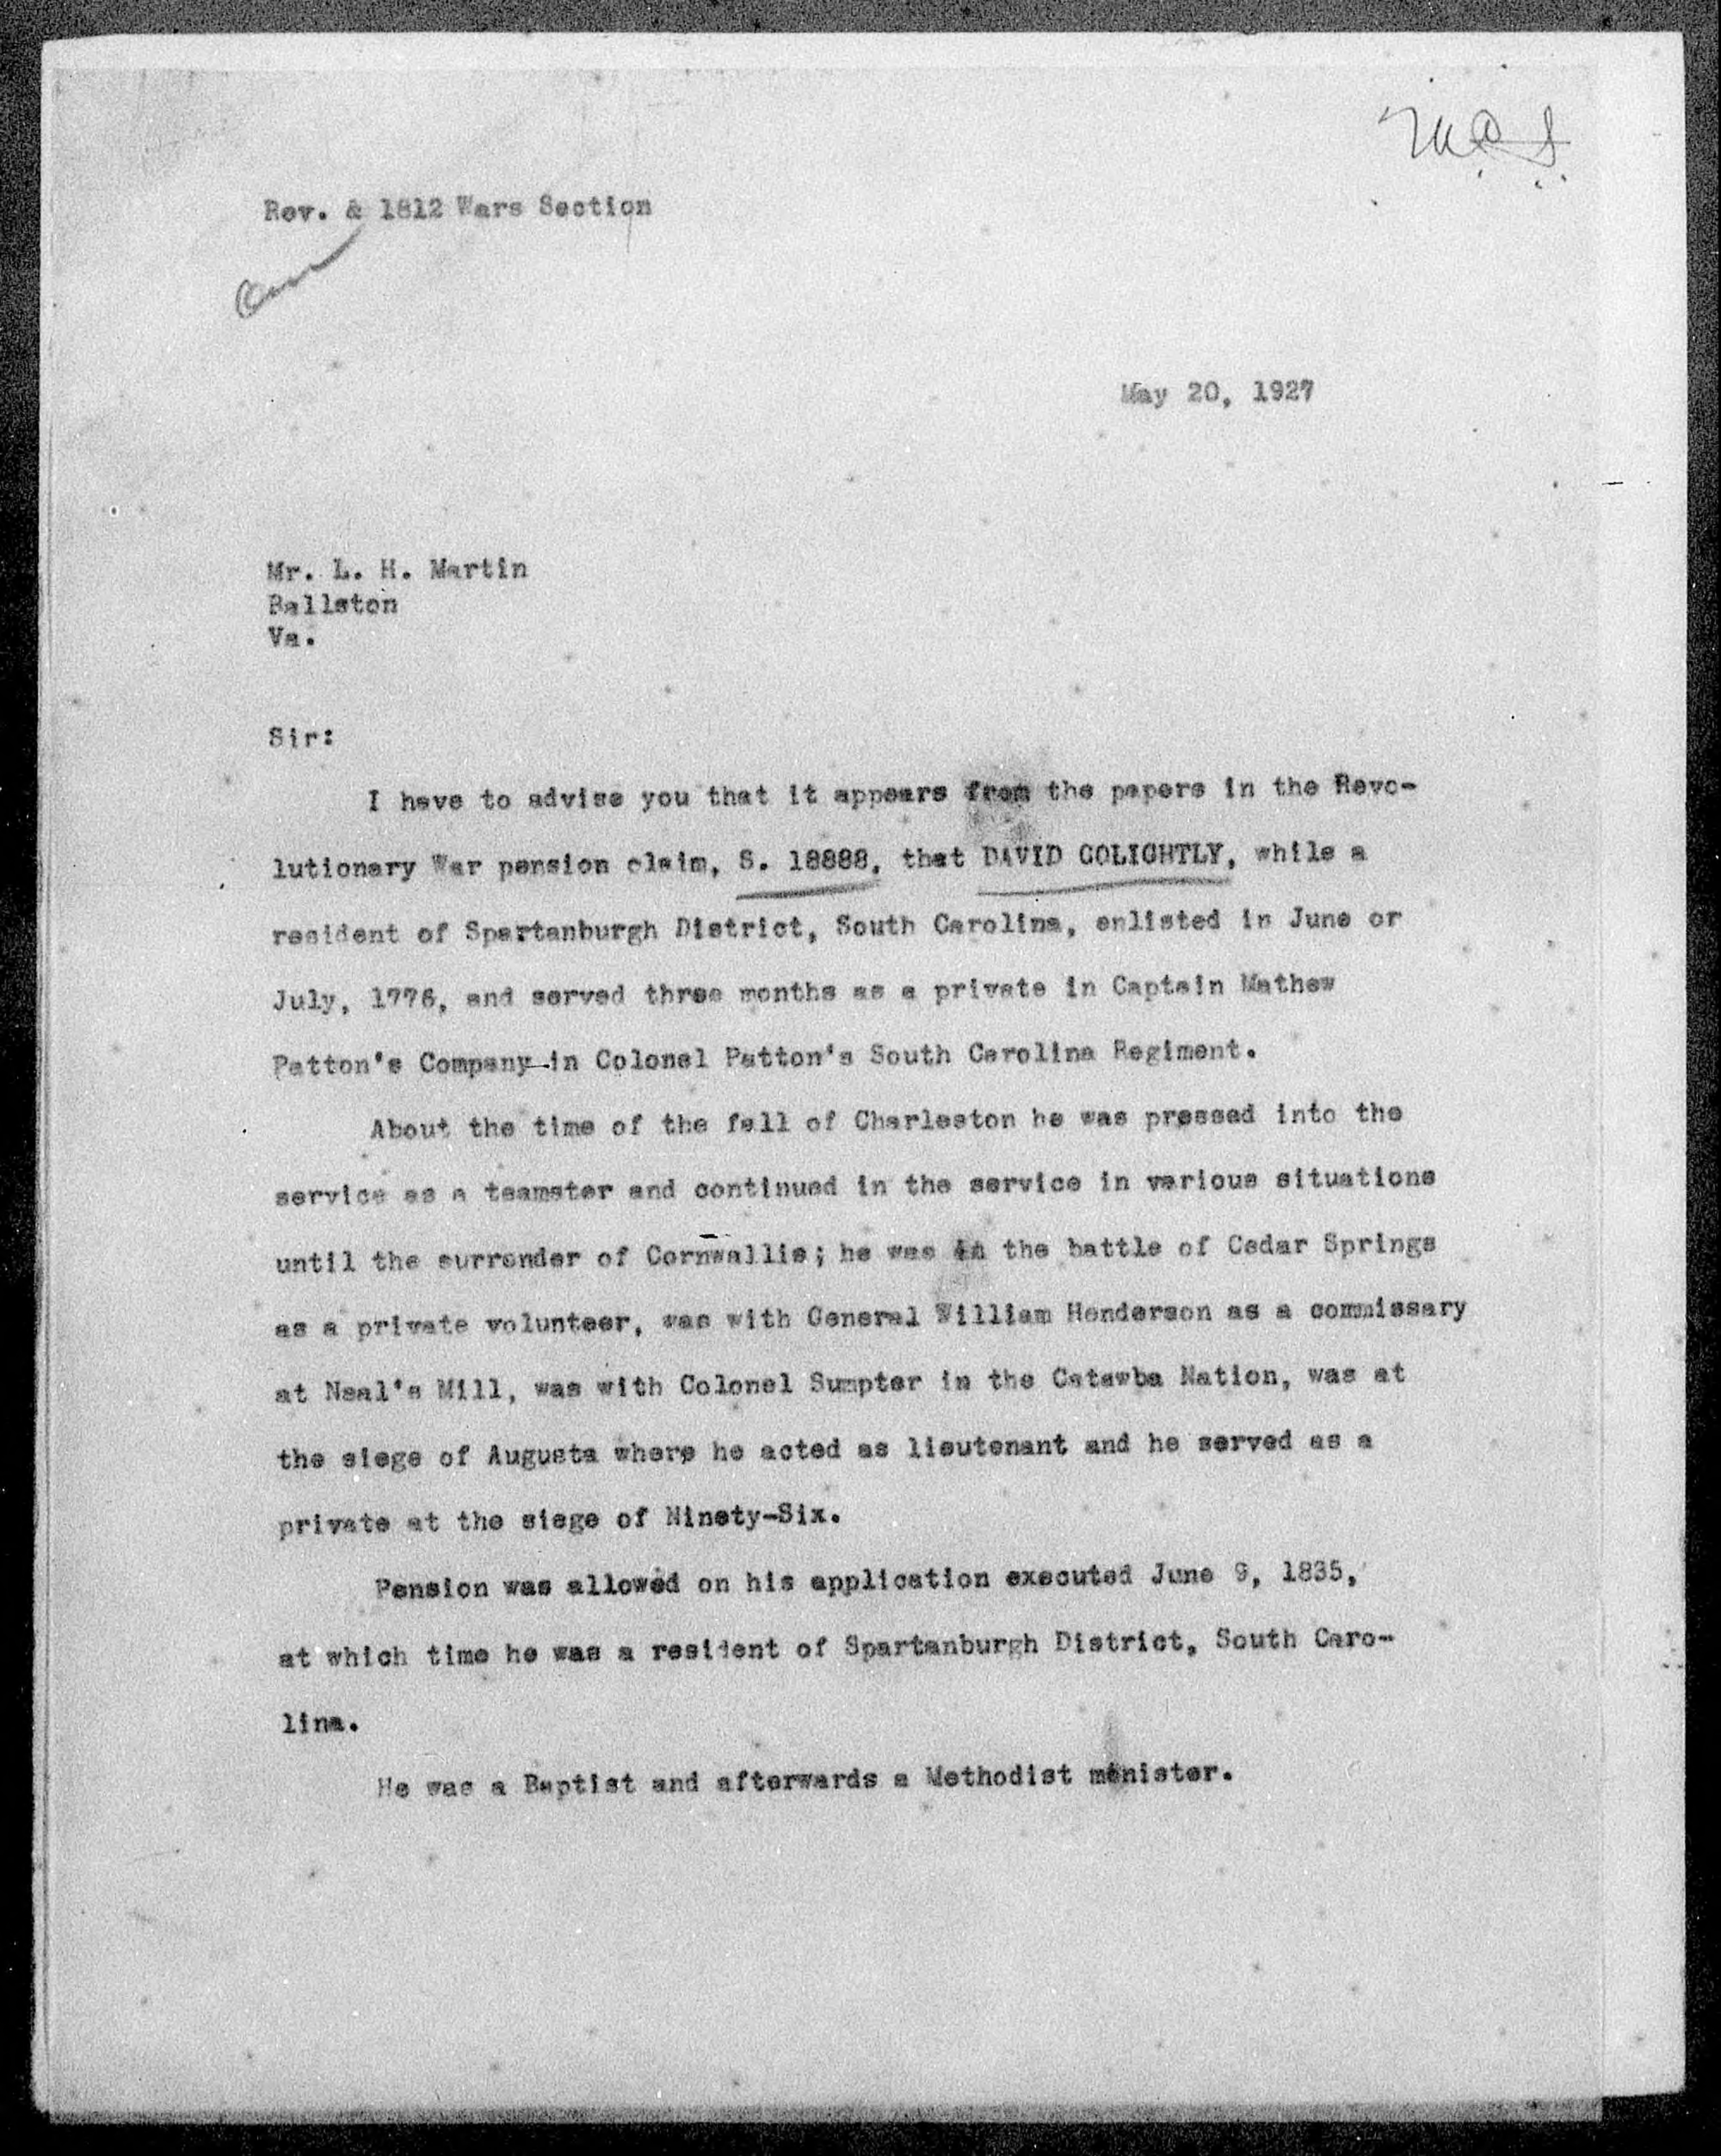Rev. & 1812 Wars Section

May 20, 1927

Mr. L. H. Martin
Ballston
Va.

Sir:

I have to advise you that it appears from the papers in the Revolutionary War pension claim, S. 18888, that DAVID COLIGHTLY, while a
resident of Spartanburgh District, South Carolina, enlisted in June or July, 1778, and served three months as a private in Captain Mathew Patton's Company in Colonel Patton's South Carolina Regiment.

   About the time of the fall of Charleston he was pressed into the service as a teamster and continued in the service in various situations until the surrender of Cornwallis; he was in the battle of Cedar Springs as a private volunteer, was with General William Henderson as a commissary at Neal's Mill, was with Colonel Sumpter in the Catawba Nation, was at
the siege of Augusta where he acted as lieutenant and he served as a private at the siege of Ninety-Six.

   Pension was allowed on his application executed June 8, 1835, at which time he was a resident of Spartanburgh District, South Carolina.
.
He was a Baptist and afterwards a Methodist minister.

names: L H Martin, Sumpter, David Golightly, William Henderson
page: 10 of 57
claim: survivor's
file: S. 18888, David Golightly, S.C.